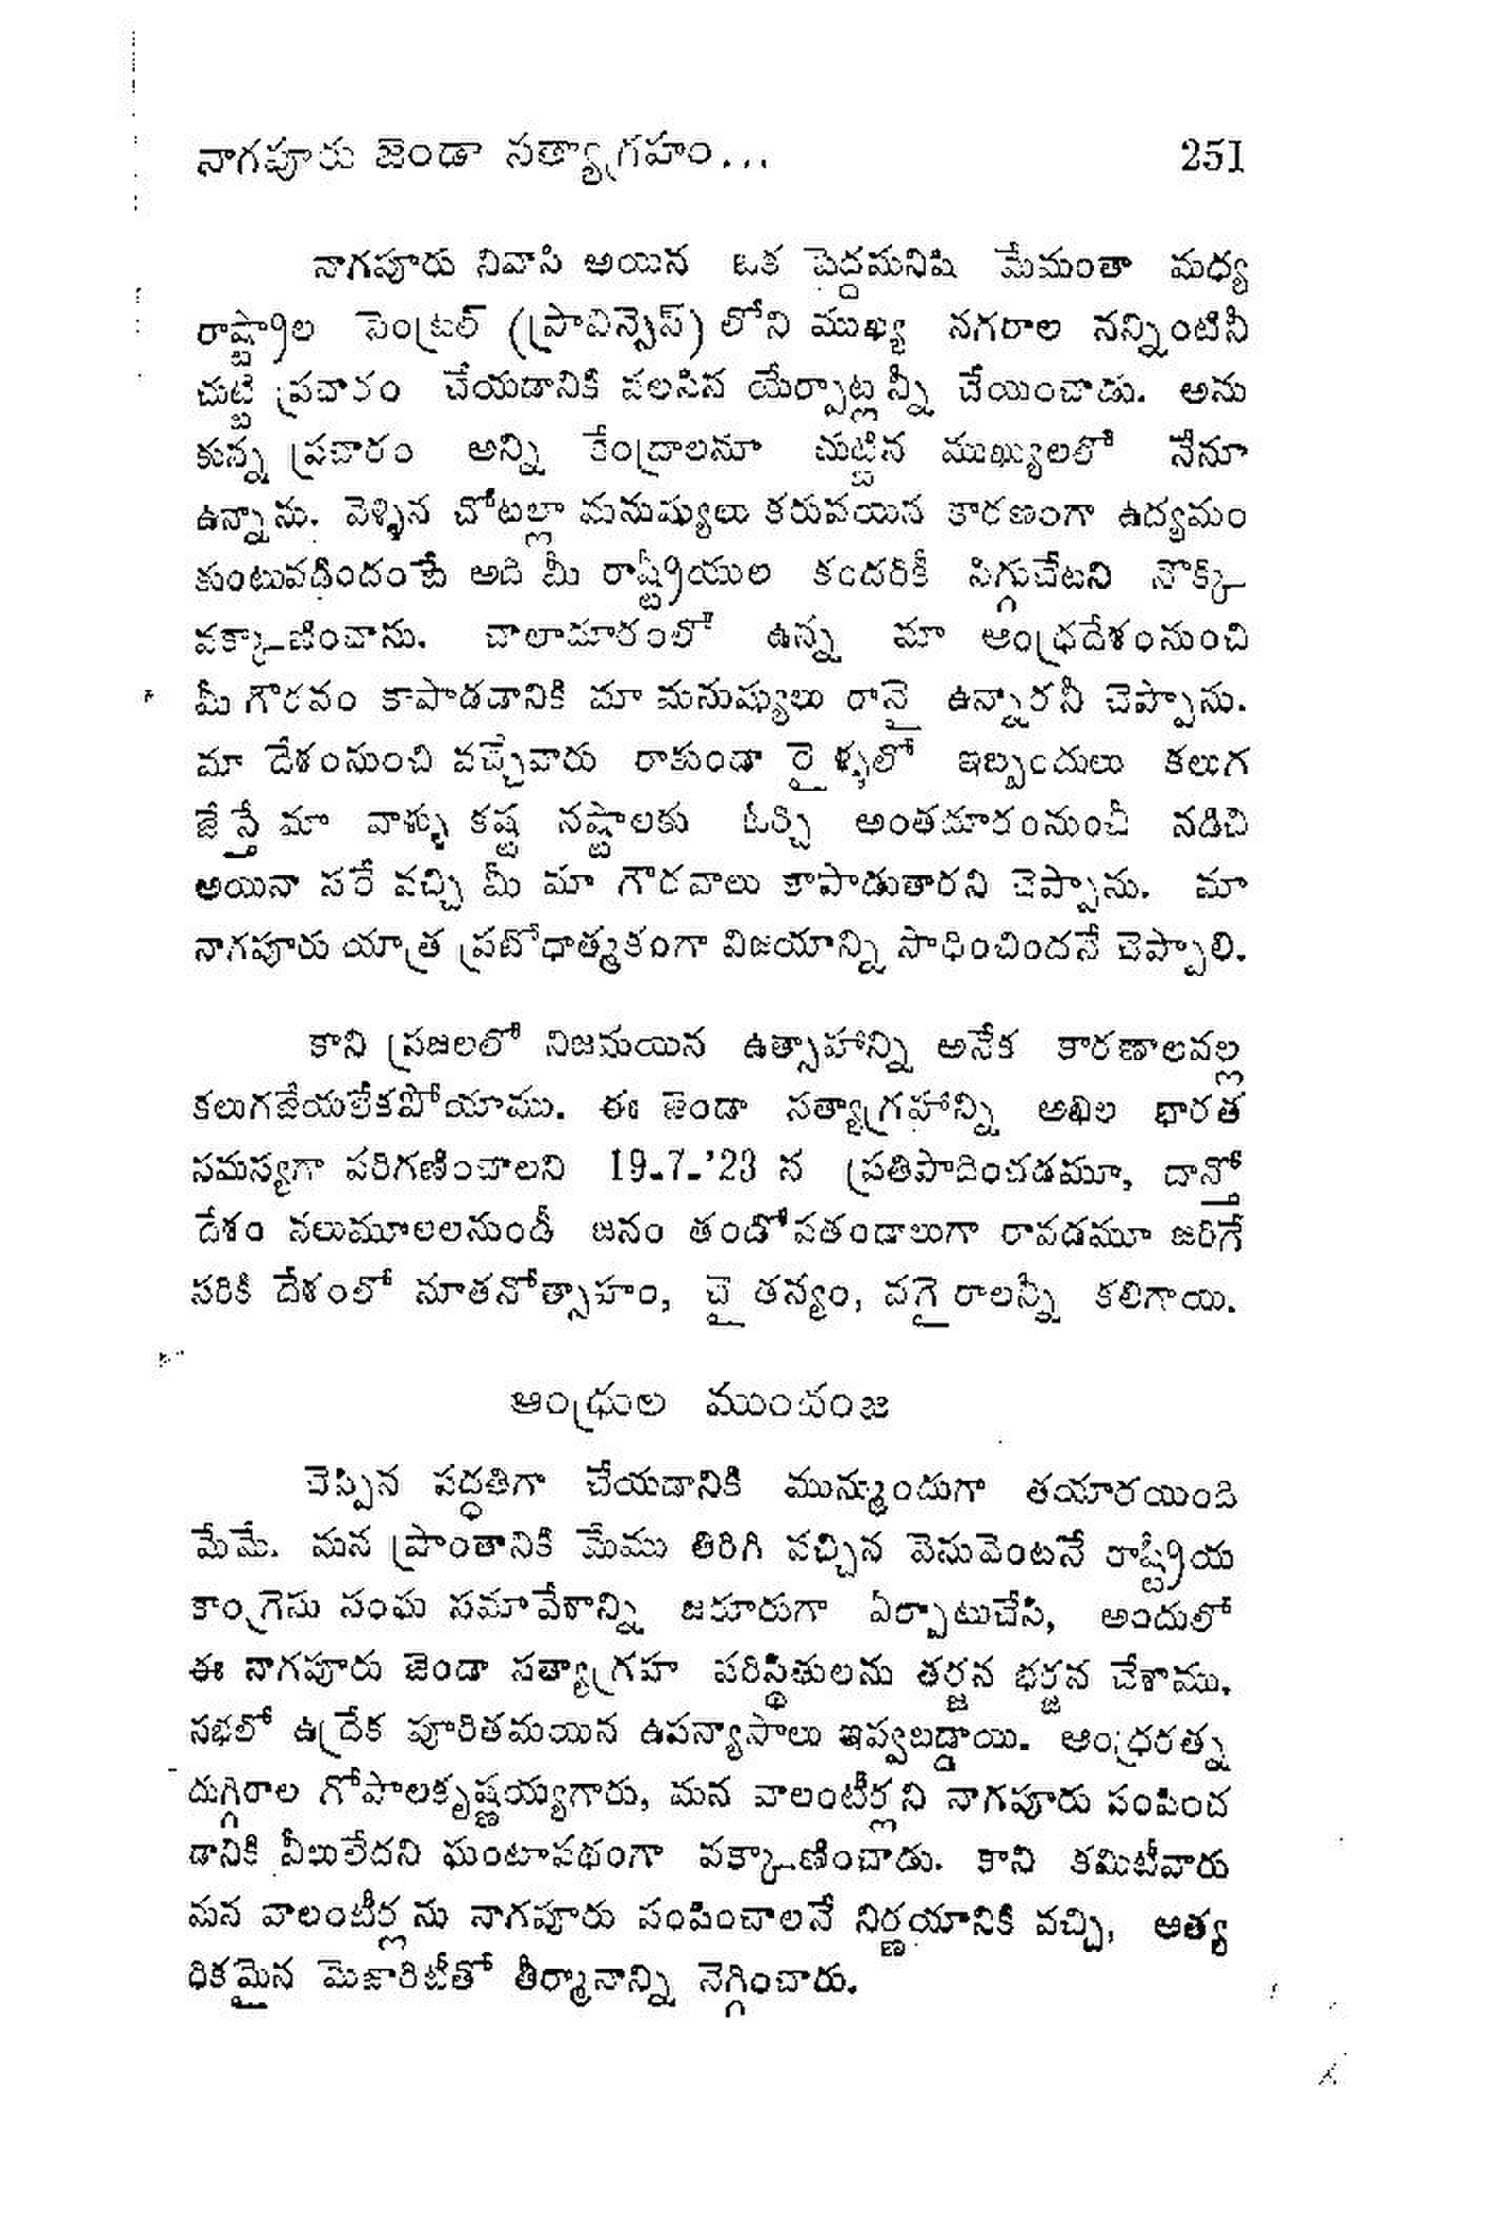నాగపూరు నివాసి అయిన ఒక పెద్దమనిషి మేమంతా మధ్య రాష్ట్రాల సెంట్రల్ (ప్రావిన్సెస్) లోని ముఖ్య నగరాల నన్నింటినీ చుట్టి ప్రచారం చేయడానికి వలసిన యేర్పాట్లన్నీ చేయించాడు. అనుకున్న ప్రచారం అన్ని కేంద్రాలనూ చట్టిన ముఖ్యులలో నేనూ ఉన్నాను. వెళ్ళిన చోటల్లా మనుష్యులు కరువయిన కారణంగా ఉద్యమం కుంటుపడిందంటే అది మీ రాష్ట్రీయుల కందరికీ సిగ్గుచేటని నొక్కి వక్కాణించాను. చాలాదూరంలో ఉన్న మా ఆంధ్రదేశంనుంచి మీ గౌరవం కాపాడడానికి మా మనుష్యులు రానై ఉన్నారనీ చెప్పాను. మా దేశంనుంచి వచ్చేవారు రాకుండా రైళ్ళలో ఇబ్బందులు కలుగజేస్తే మా వాళ్ళు కష్ట నష్టాలకు ఓర్చి అంతదూరంనుంచీ నడిచి అయినా సరే వచ్చి మీ గౌరవాలు కాపాడుతారని చెప్పాను. మా నాగపూరు యాత్ర ప్రబోధాత్మకంగా విజయాన్ని సాధించిందనే చెప్పాలి.

కాని ప్రజలలో నిజమయిన ఉత్సాహాన్ని అనేక కారణాలవల్ల కలుగజేయలేక పోయాము. ఈ జెండా సత్యాగ్రహాన్ని అఖిల భారత సమస్యగా పరిగణించాలని 19-7-1923 న ప్రతిపాధించడమూ, దాన్తో దేశం నలుమాలల నుండీ జనం తండోపతండాలుగా రావడమూ జరిగేసరికి దేశంలో నూతనోత్సాహం, చైతన్యం, వగైరాలన్నీ కలిగాయి.

చెప్పిన పద్ధతిగా చేయడానికి మున్ముందుగా తయారయింది మేమే. మన ప్రాంతానికి మేము తిరిగి వచ్చిన వెనువెంటనే రాష్ట్రీయ కాంగ్రెసు సంఘ సమావేశాన్ని జరూరుగా ఏర్పాటుచేసి, అందులో ఈ నాగపూరు జెండా సత్యాగ్రహ పరిస్థితులను తర్జన భర్జన చేశాము. సభలో ఉద్రేక పూరితమయిన ఉపన్యాసాలు ఇవ్వబడ్డాయి. ఆంధ్రరత్న దుగ్గిరాల గోపాలకృష్ణయ్యగారు, మన వాలంటీర్లని నాగపూరు పంపించిడానికి వీలులేదని ఘంటాపథంగా వక్కాణించాడు. కాని కమిటీవారు మన వాలంటీర్లను నాగపూరు పంపించాలనే నిర్ణయానికి వచ్చి, అత్యధికమైన మెజారిటీతో తీర్మానాన్ని నెగ్గించారు.